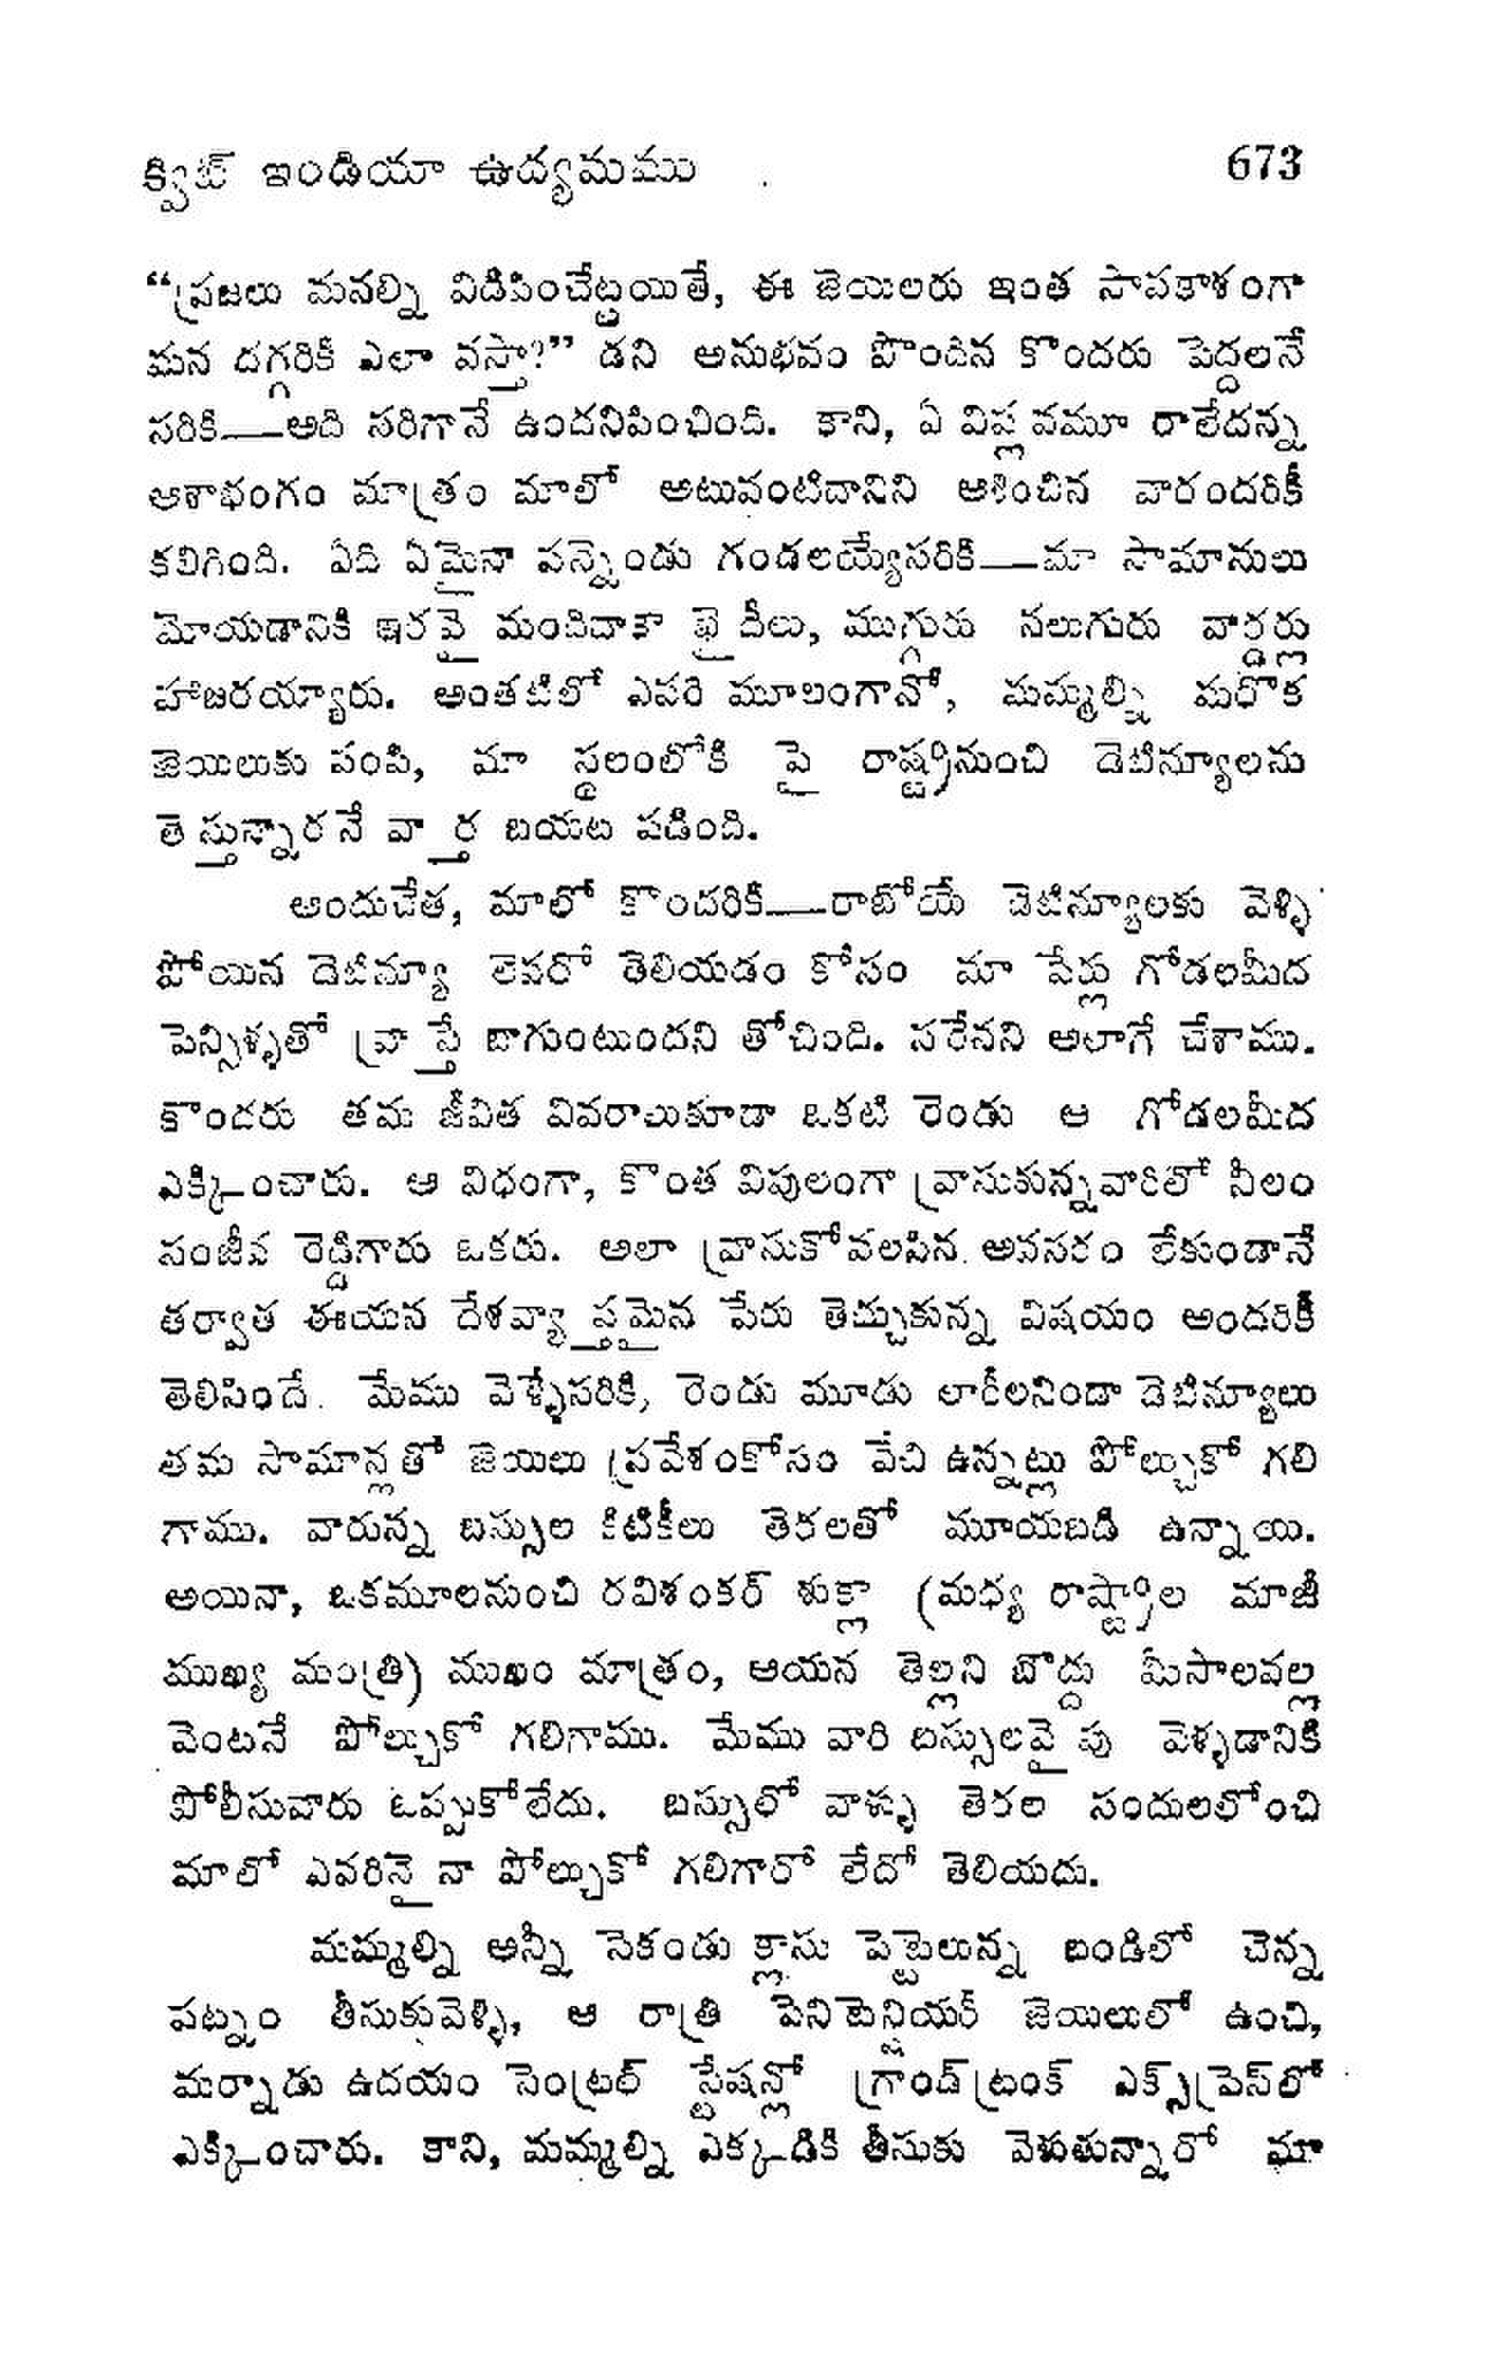"ప్రజలు మనల్ని విడిపించేట్టయితే, ఈ జెయిలరు ఇంత సావకాశంగా మన దగ్గరికి ఎలా వస్తా?" డని అనుభవం పొందిన కొందరు పెద్దలనేసరికి - అది సరిగానే ఉందనిపించింది. కాని, ఏ విప్లవమూ రాలేదన్న ఆశాభంగం మాత్రం మాలో అటువంటిదానిని ఆశించిన వారందరికీ కలిగింది. ఏది ఏమైనా పన్నెండు గంటలయ్యేసరికి - మా సామానులు మోయడానికి ఇరవై మందిదాకా ఖైదీలు, ముగ్గురు నలుగురు వార్డర్లు హాజరయ్యారు. అంతటిలో ఎవరి మూలంగానో, మమ్మల్ని మరొక జెయిలుకు పంపి, మా స్థలంలోకి పై రాష్ట్రనుంచి డెటిన్యూలను తెస్తున్నారనే వార్త బయట పడింది.

అందుచేత, మాలో కొందరికి - రాబోయే డెటిన్యూలకు వెళ్ళి పోయిన డెటిన్యూ లెవరో తెలియడం కోసం మా పేర్లు గోడలమీద పెన్సిళ్ళతో వ్రాస్తే బాగుంటుందని తోచింది. సరేనని అలాగే చేశాము. కొందరు తమ జీవిత వివరాలుకూడా ఒకటి రెండు ఆ గోడలమీద ఎక్కించారు. ఆ విధంగా, కొంత విపులంగా వ్రాసుకున్న వారిలో నీలం సంజీవ రెడ్డిగారు ఒకరు. అలా వ్రాసుకోవలసిన అవసరం లేకుండానే తర్వాత ఈయన దేశవ్యాప్తమైన పేరు తెచ్చుకున్న విషయం అందరికీ తెలిసిందే. మేము వెళ్ళేసరికి, రెండు మూడు లారీలనిండా డెటిన్యూలు తమ సామాన్లతో జెయిలు ప్రవేశంకోసం వేచి ఉన్నట్లు పోల్చుకో గలిగాము. వారున్న బస్సుల కిటికీలు తెరలతో మూయబడి ఉన్నాయి, అయినా, ఒకమూలనుంచి రవిశంకర్ శుక్లా (మధ్య రాష్ట్రాల మాజీ ముఖ్య మంత్రి) ముఖం మాత్రం, ఆయన తెల్లని బొద్దు మీసాలవల్ల వెంటనే పోల్చుకో గలిగాము. మేము వారి బస్సులవైపు వెళ్ళడానికి పోలీసువారు ఒప్పుకోలేదు. బస్సులో వాళ్ళు తెరల సందులలోంచి మాలో ఎవరినైనా పోల్చుకో గలిగారో లేదో తెలియదు.

మమ్మల్ని అన్నీ సెకండు క్లాసు పెట్టెలున్న బండిలో చెన్నపట్నం తీసుకువెళ్ళి, ఆ రాత్రి పెనిటెన్షియరీ జెయిలులో ఉంచి, మర్నాడు ఉదయం సెంట్రల్ స్టేషన్లో గ్రాండ్‌ట్రంక్ ఎక్స్‌ప్రెస్‌లో ఎక్కించారు. కాని, మమ్మల్ని ఎక్కడికి తీసుకు వెళుతున్నారో మా